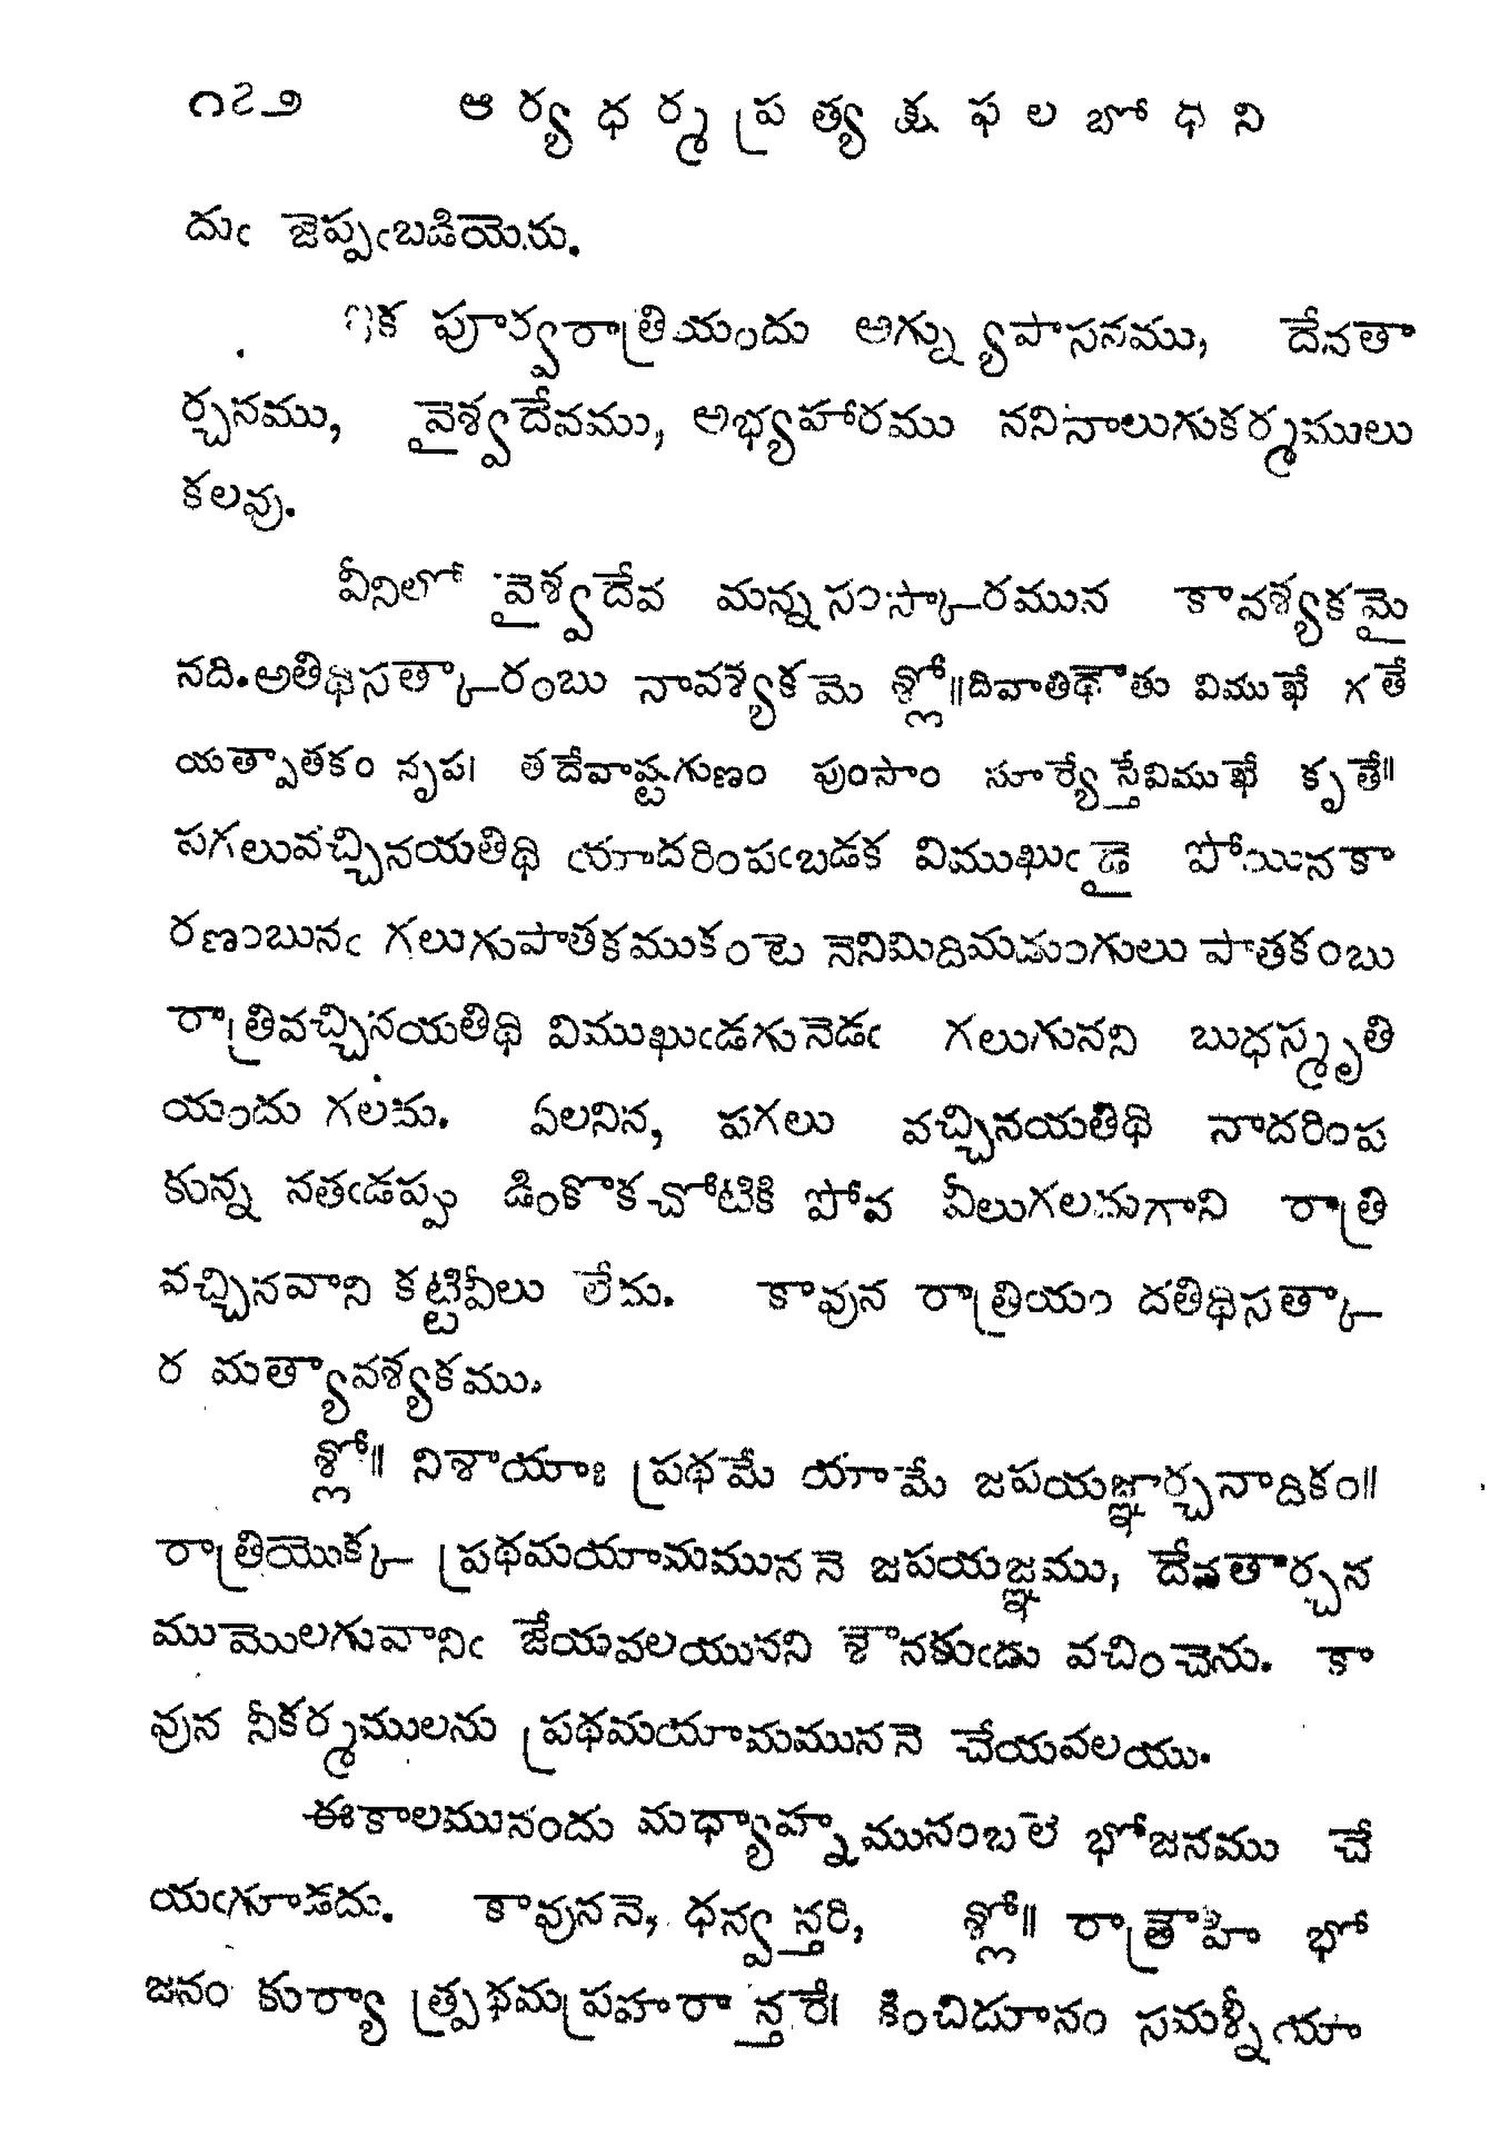దుఁ జెప్పఁబడియెను.

ఇక పూర్వరాత్రియందు అగ్న్యుపాసనము, దేవతార్చనము, వైశ్వదేవము, అభ్యహారము ననినాలుగు కర్మములు కలవు.

వీనిలో వైశ్వదేవ మన్నసంస్కారమున కావశ్యకమైనది. అతిథిసత్కారంబు నావశ్యకమె శ్లో॥ దివాతిథౌతు విముఖే గతేయత్పాతకం నృప। తదేవాష్టగుణం పుంసాం సూర్యేస్తేవిముఖే కృతే॥ పగలువచ్చినయతిథి యాదరింపఁబడక విముఖుఁడై పోయినకారణంబునఁ గలుగుపాతకముకంటె నెనిమిదిమడుంగులు పాతకంబు
రాత్రివచ్చినయతిథి విముఖుఁడగునెడఁ గలుగునని బుధస్మృతి యందు గలదు. ఏలనిన, పగలు వచ్చినయతిథి నాదరింపకున్న నతఁడప్పు డింకొకచోటికి పోవ వీలుగలదుగాని రాత్రివచ్చినవాని కట్టివీలు లేదు. కావున రాత్రియం దతిథిసత్కార మత్యావశ్యకము.

శ్లో॥ నిశాయాః ప్రథమే యామే జపయజ్ఞార్చనాదికం॥ రాత్రియొక్క ప్రథమయామముననె జపయజ్ఞము, దేవతార్చనముమొదలగువానిఁ జేయవలయునని శౌనకుఁడు వచించెను. కావున నీకర్మములను ప్రథమయామముననె చేయవలయు

ఈకాలమునందు మధ్యాహ్నమునంబలె భోజనము చేయఁగూడదు. కావుననె, ధన్వన్తరి, శ్లో॥ రాత్రౌహి భోజనం కుర్యా త్ప్రథమప్రహరాన్తరే కించిదూనం సమశ్నీయా